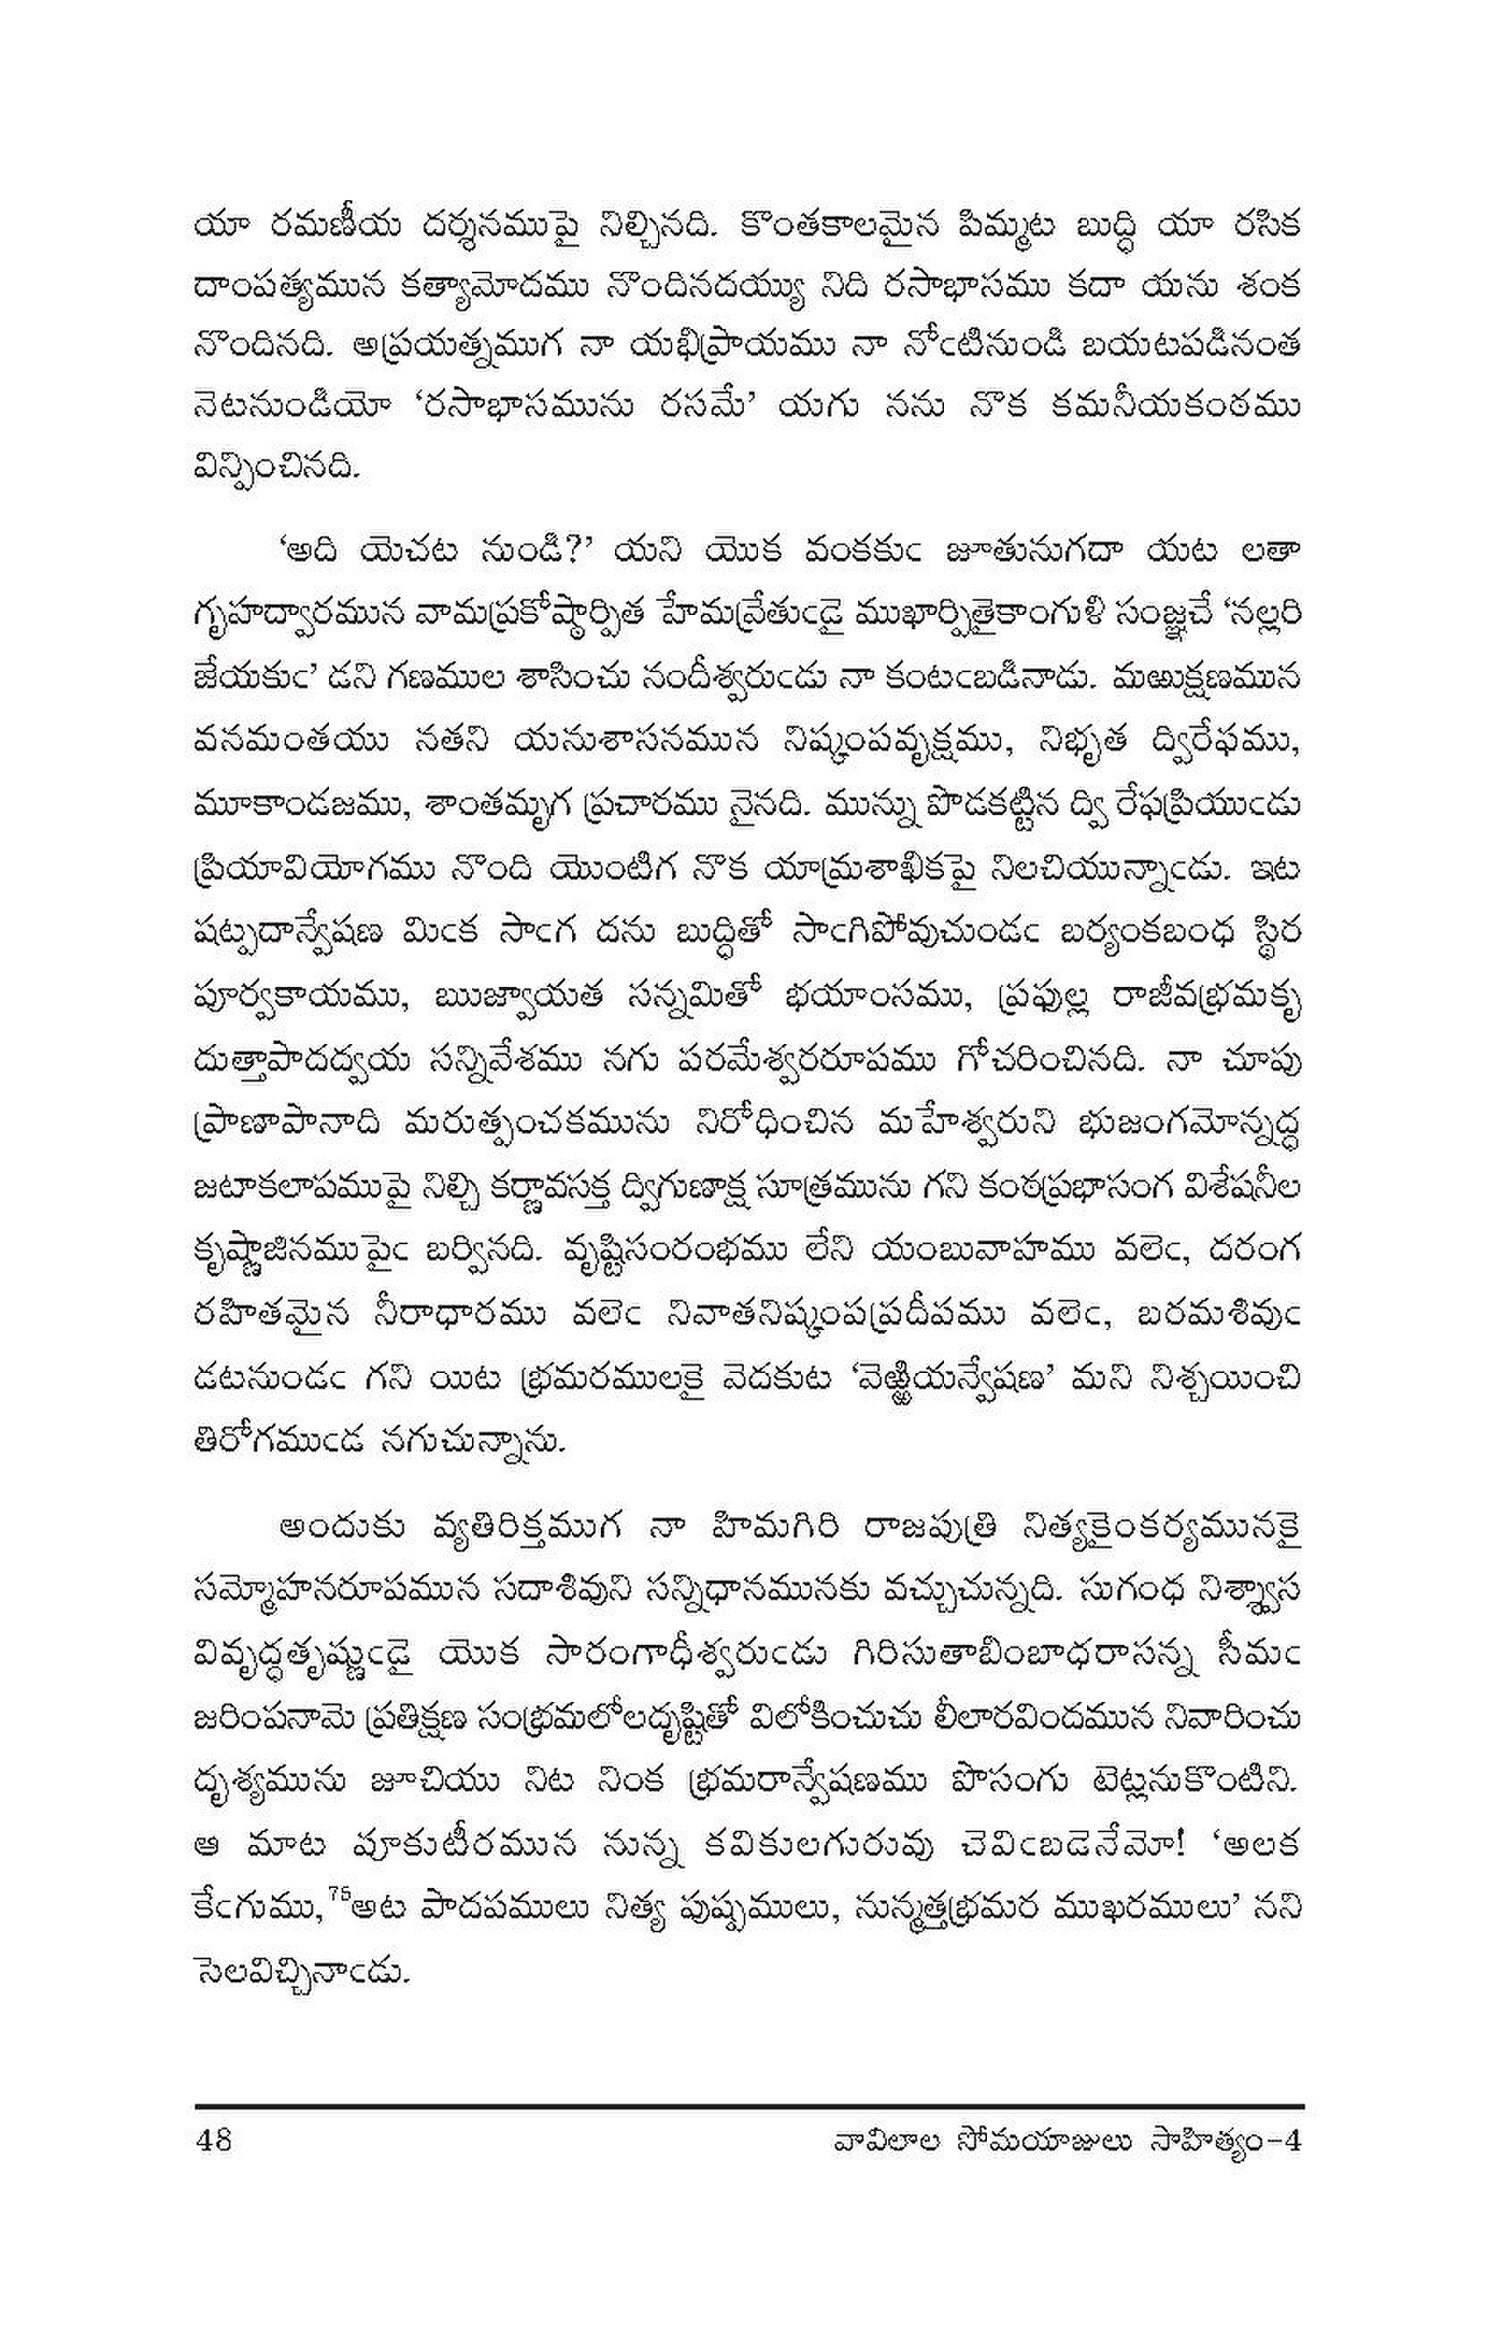యా రమణీయ దర్శనముపై నిల్చినది. కొంతకాలమైన పిమ్మట బుద్ధి యా రసిక
దాంపత్యమున కత్యామోదము నొందినదయ్యు నిది రసాభాసము కదా యను శంక
నొందినది. అప్రయత్నముగ నా యభిప్రాయము నా నోఁటినుండి బయటపడినంత
టనుండియో 'రసాభాసమును రసమే' యగు నను నొక కమనీయకంఠము
విన్పించినది.

'అది యెచట నుండి?' యని యొక వంకకుఁ జూతునుగదా యట లతా
గృహద్వారమున వామప్రకోష్టార్పిత హేమవ్రేతుఁడై ముఖార్పితైకాంగుళి సంజ్ఞచే ‘నల్లరి
జేయకుఁ’ డని గణముల శాసించు నందీశ్వరుఁడు నా కంటఁబడినాడు. మఱుక్షణమున
వనమంతయు నతని యనుశాసనమున నిష్కంపవృక్షము, నిభృత ద్విరేఫము,
మూకాండజము, శాంతమృగ ప్రచారము నైనది. మున్ను పొడకట్టిన ద్వి రేఫప్రియుఁడు
ప్రియావియోగము నొంది యొంటిగ నొక యామ్రశాఖికపై నిలచియున్నాఁడు. ఇట
షట్పదాన్వేషణ మిఁక సాఁగ దను బుద్ధితో సాఁగిపోవుచుండఁ బర్యంకబంధ స్థిర
పూర్వకాయము, ఋజ్వాయత సన్నమితో భయాంసము, ప్రఫుల్ల రాజీవభ్రమకృ
దుత్తాపాదద్వయ సన్నివేశము నగు పరమేశ్వరరూపము గోచరించినది. నా చూపు
ప్రాణాపానాది మరుత్పంచకమును నిరోధించిన మహేశ్వరుని భుజంగమోన్నద్ధ
జటాకలాపముపై నిల్చి కర్ణావసక్త ద్విగుణాక్ష సూత్రమును గని కంఠప్రభాసంగ విశేషనీల
కృష్ణాజినముపైఁ బర్వినది. వృష్టిసంరంభము లేని యంబువాహము వలెఁ, దరంగ
రహితమైన నీరాధారము వలెఁ నివాతనిష్కంపప్రదీపము వలెఁ, బరమశివుఁ
డటనుండఁ గని యిట భ్రమరములకై వెదకుట 'వెఱ్ఱియన్వేషణ' మని నిశ్చయించి
తిరోగముఁడ నగుచున్నాను.

అందుకు వ్యతిరిక్తముగ నా హిమగిరి రాజపుత్రి నిత్యకైంకర్యమునకై
సమ్మోహనరూపమున సదాశివుని సన్నిధానమునకు వచ్చుచున్నది. సుగంధ నిశ్శ్వాస
వివృద్ధతృష్ణుఁడై యొక సారంగాధీశ్వరుఁడు గిరిసుతాబింబాధరాసన్న సీమఁ
జరింపనామె ప్రతిక్షణ సంభ్రమలోలదృష్టితో విలోకించుచు లీలారవిందమున నివారించు
దృశ్యమును జూచియు నిట నింక భ్రమరాన్వేషణము పొసంగు టెట్లనుకొంటిని.
ఆ మాట వూకుటీరమున నున్న కవికులగురువు చెవిఁబడెనేమో! 'అలక
కేఁగుము, అట పాదపములు నిత్య పుష్పములు, నున్మత్తభ్రమర ముఖరములు' నని
సెలవిచ్చినాఁడు.